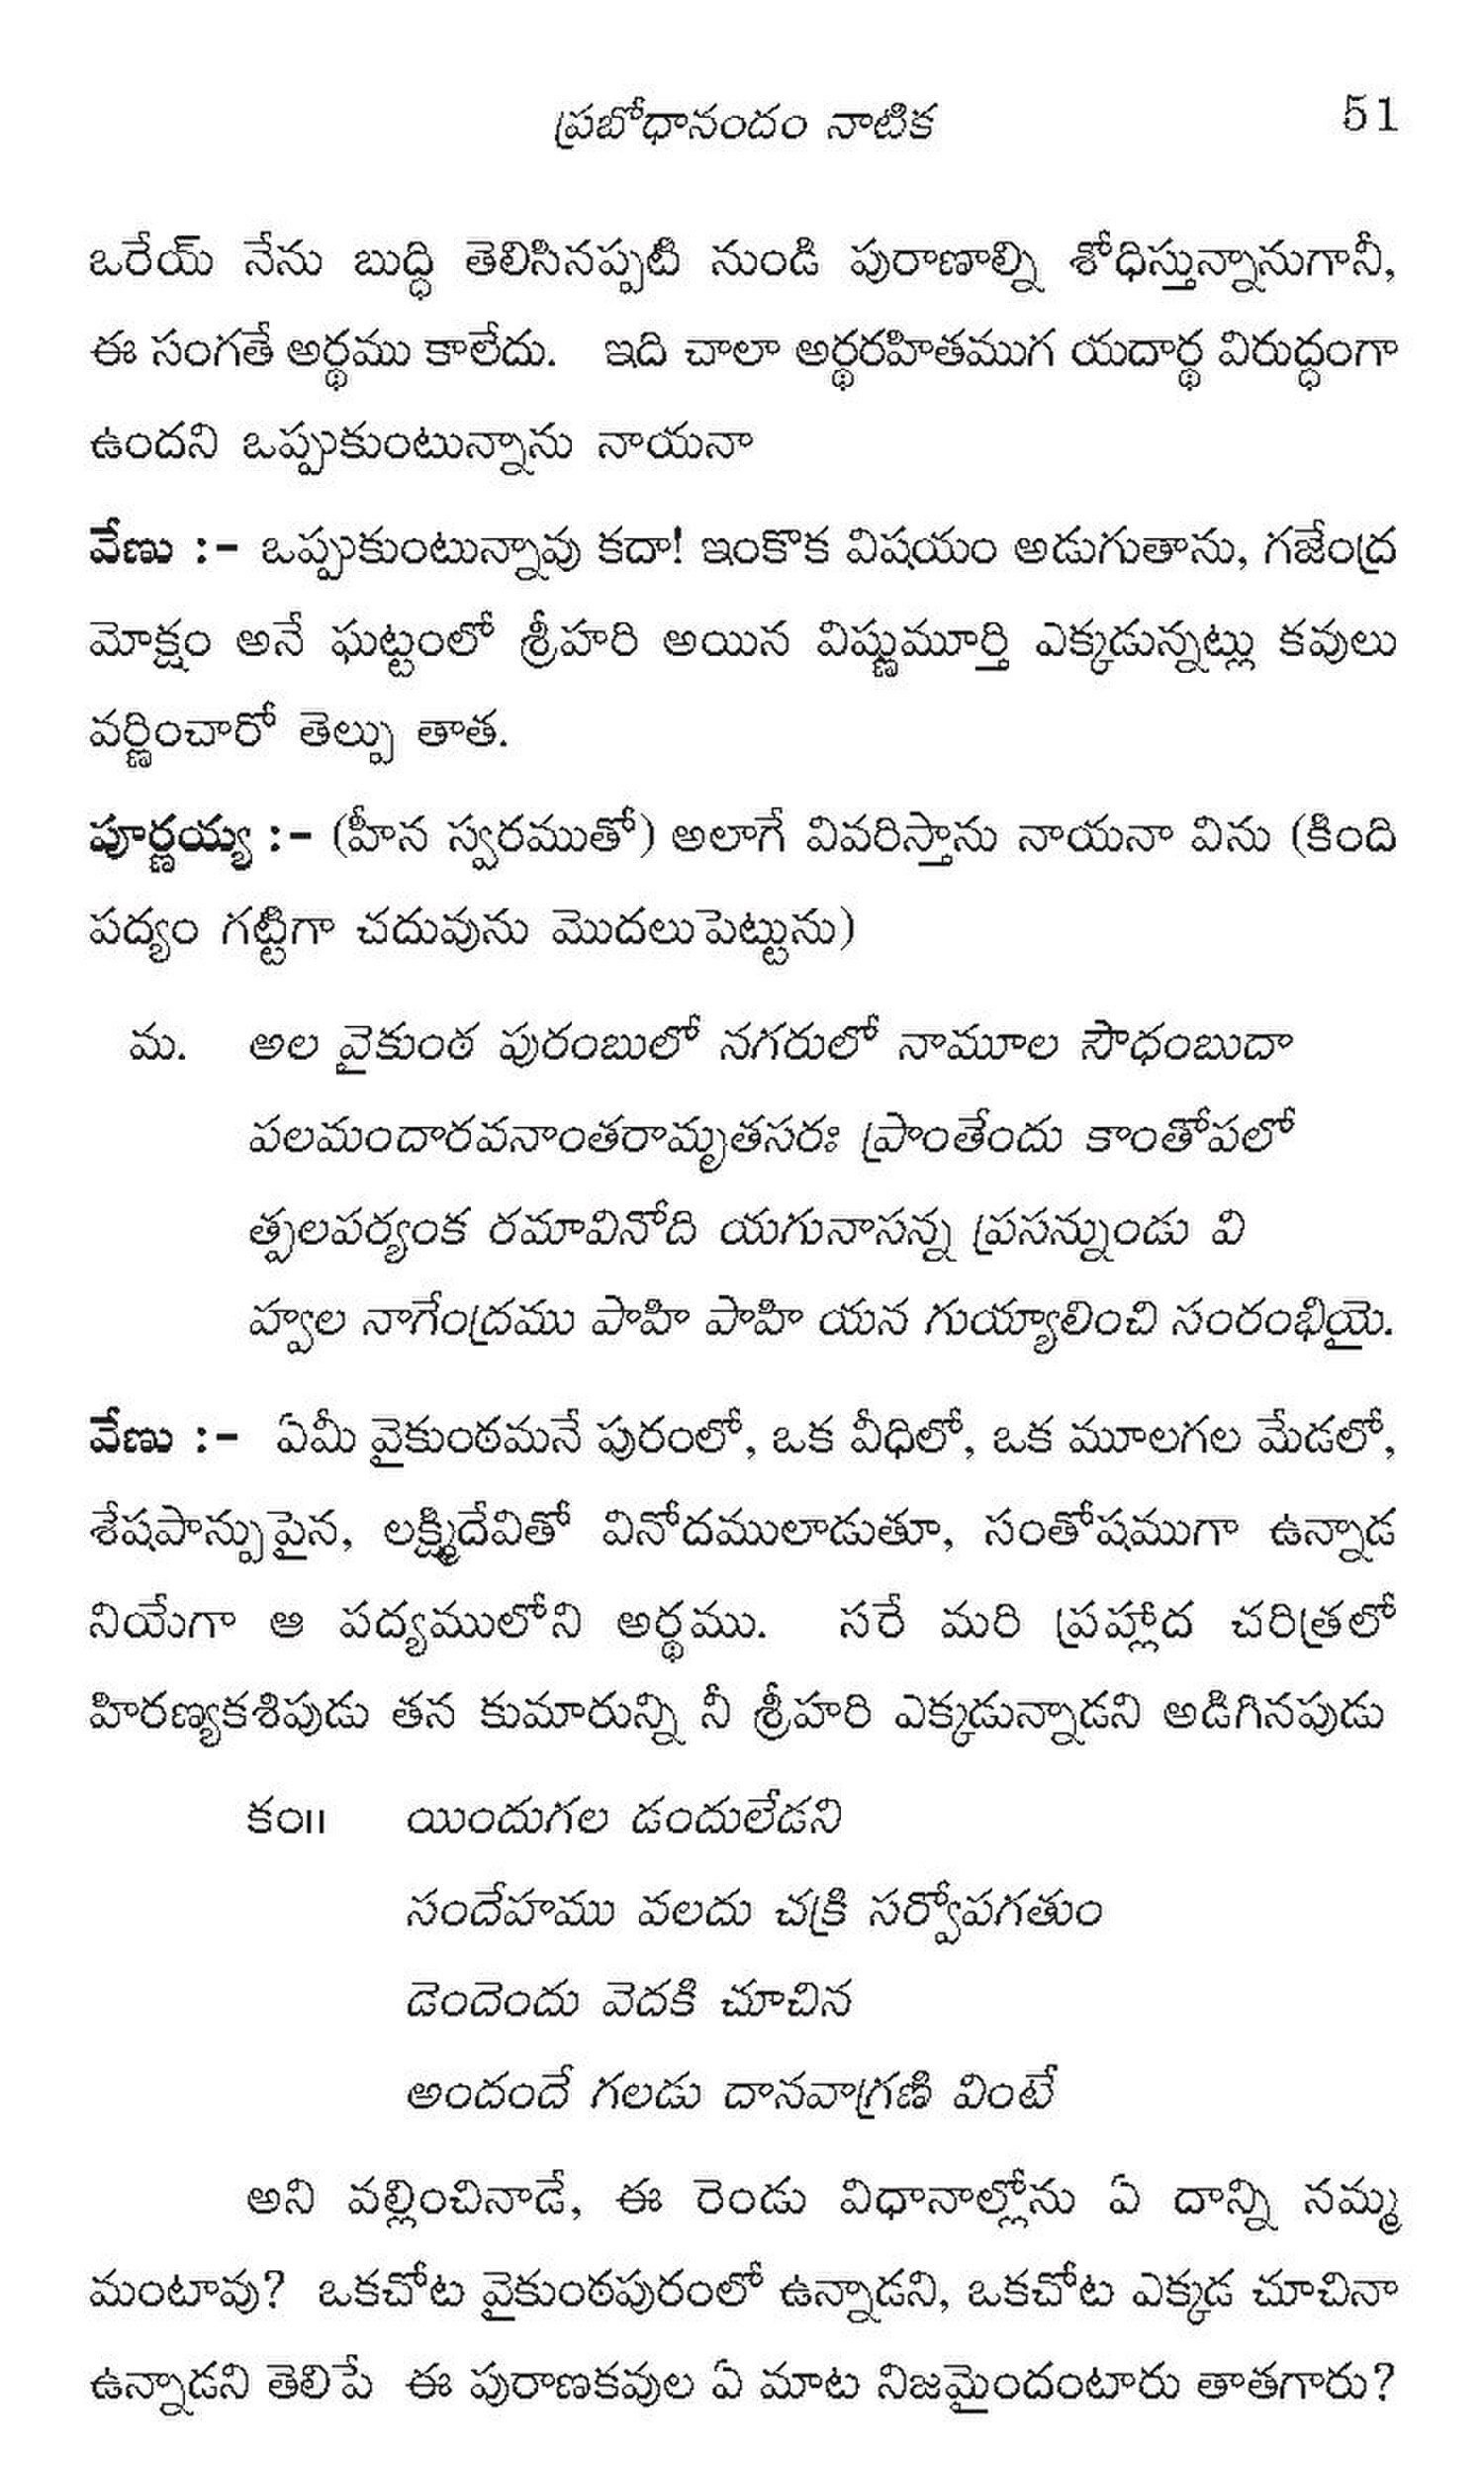ఒరేయ్‌ నేను బుద్ధి తెలిసినప్పటి నుండి పురాణాల్ని శోధిస్తున్నానుగానీ, ఈ సంగతే అర్థము కాలేదు. ఇది చాలా అర్థరహితముగ యదార్థ విరుద్ధంగా ఉందని ఒప్పుకుంటున్నాను నాయనా

వేణు :- ఒప్పుకుంటున్నావు కదా! ఇంకొక విషయం అడుగుతాను, గజేంద్ర మోక్షం అనే ఘట్టంలో శ్రీహరి అయిన విష్ణుమూర్తి ఎక్కడున్నట్లు కవులు వర్ణించారో తెల్పు తాత.

పూర్ణయ్య :- (హీన స్వరముతో) అలాగే వివరిస్తాను నాయనా విను (కింది పద్యం గట్టిగా చదువును మొదలుపెట్టును)

వేణు :-	 ఏమీ వైకుంఠమనే పురంలో, ఒక వీధిలో, ఒక మూలగల మేడలో, శేషపాన్పుపైన, లక్ష్మిదేవితో వినోదములాడుతూ, సంతోషముగా ఉన్నాడ నియేగా ఆ పద్యములోని అర్థము. సరే మరి ప్రహ్లాద చరిత్రలో హిరణ్యకశిపుడు తన కుమారున్ని నీ శ్రీహరి ఎక్కడున్నాడని అడిగినపుడు

అని వల్లించినాడే, ఈ రెండు విధానాల్లోను ఏ దాన్ని నమ్మ మంటావు? ఒకచోట వైకుంఠపురంలో ఉన్నాడని, ఒకచోట ఎక్కడ చూచినా ఉన్నాడని తెలిపే ఈ పురాణకవుల ఏ మాట నిజమైందంటారు తాతగారు?